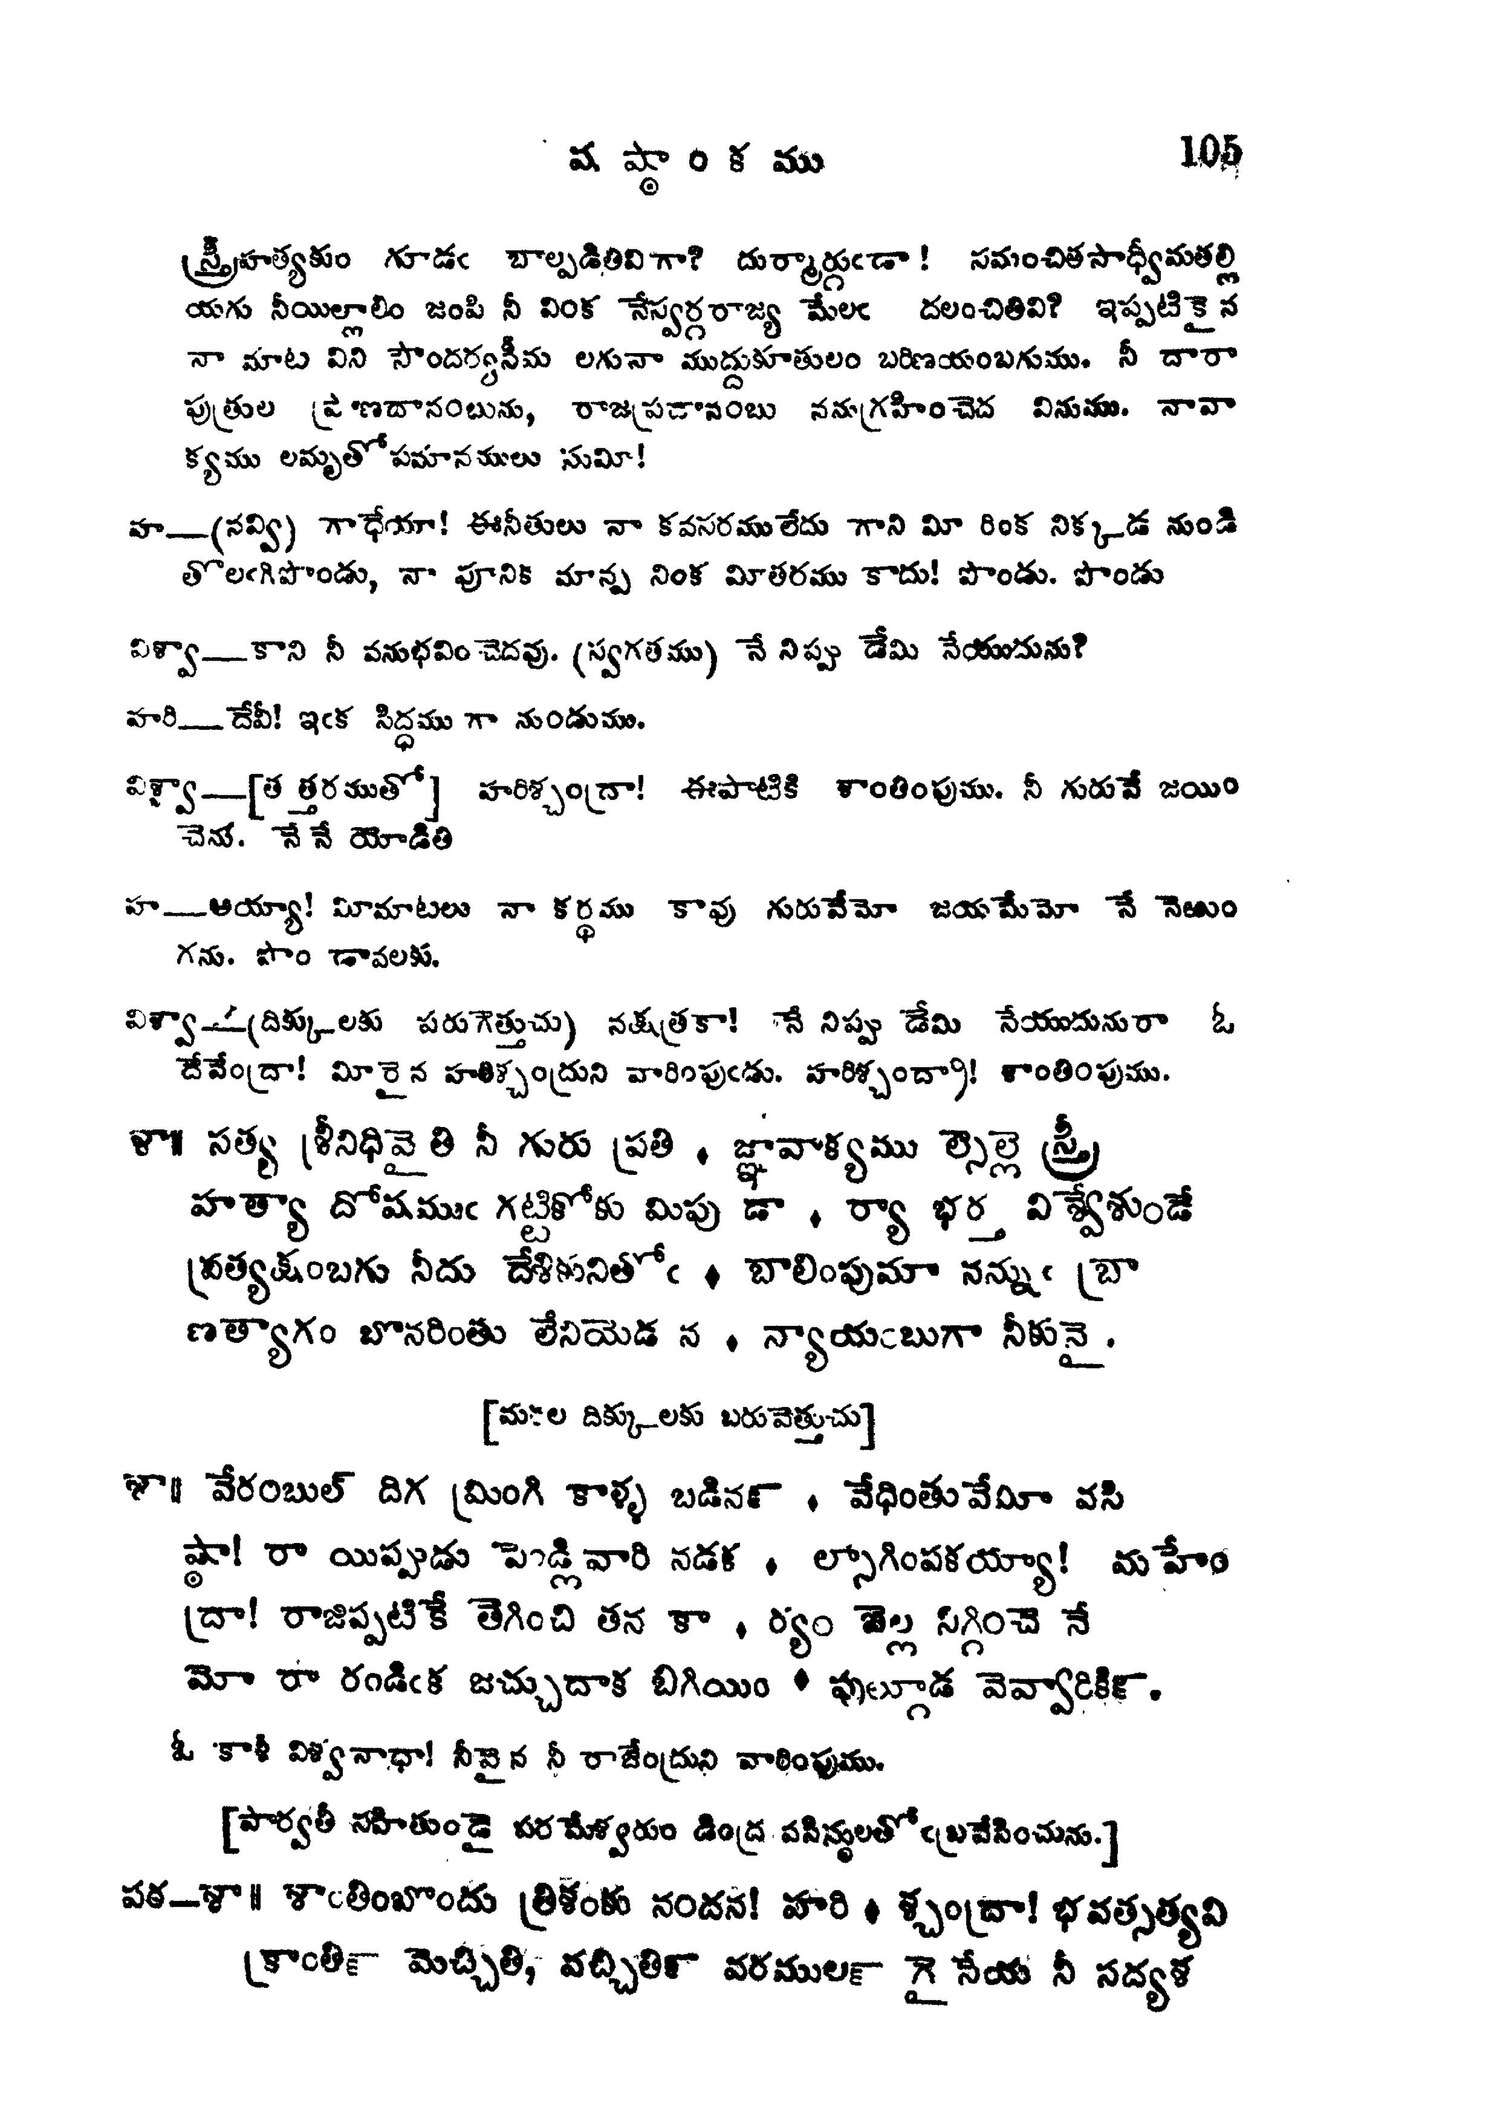స్త్రీ హత్యకు గూడఁ బాల్పడితివిగా? దుర్మార్గుడా! సమంచిత సాధ్వీమతల్లి యగు నీ యిల్లాలి జంపి నీవింకనే స్వర్గరాజ్యం బేలదలచితివి? ఇప్పటికైన నా మాటవిని సౌందర్యసీమలగు నా ముద్దు కూఁతులం బరిణయమాడుము. నీ దారపుత్రుల ప్రాణదానంబును, రాజ్య ప్రదానంబును ననుగ్రహించెద. వినుము, నా వాక్కులమృతముతో సమానములు సుమీ.

హరి - 	(నవ్వి) గాధేయా! ఈ నీతులు నాకవసరము లేదు గాని మీరింక నిక్కడ తొలగిపొండు. నా పూనిక మాన్పనింక మీ తరము కాదు. పొండు. పొండు.

విశ్వా - 	కానీ. నీ వనుభవించెదవు. (స్వగతము) నేనిప్పుడేమి సేయుదును?

హరి - 	దేవీ! సిద్ధముగా నుండుము.

విశ్వా - 	(తత్తరముతో) హరిశ్చంద్రా! ఈ పాటికి శాంతింపుము. నీ గురువే జయించెను, నేనే యోడితిని.

హరి - 	అయ్యా! మీ మాటలు నా కర్థము కావు. గురువేమో, జయమేమో నేనెఱుగను. పొండావలకు.

విశ్వా - 	(దిక్కులకుం బరిగెత్తుచు) నక్షత్రకా! నేనిప్పుడేమి సేయుదునురా? ఓ దేవేంద్రా, మీరైన హరిశ్చంద్రుని వారింపుడు. హరిశ్చంద్రా! శాంతింపుము.

శా. 	సత్యశ్రీనిధివైతి! నీగురు ప్రతిజ్ఞావాక్యము ల్సెల్లె! స్త్రీ
హత్యాదోషము గట్టుకోకు! మిపు డార్యాభర్త విశ్వేశుడే
ప్రత్యక్షంబగు నీదు దేశికునితోఁ బాలింపుమా నన్ను బ్రా
ణత్యాగం బొనరింతు లేనియెడ నన్యాయంబుగా నీకునై.
 

(మరల దిక్కులకు బరుగెత్తి)

 
శా. నేరంబుల్‌ దిగమ్రింగి కాళ్ళఁ బడినన్‌ వేధింతువేమి వసి
ష్ఠా! రా యిప్పుడు పెండ్లి వారి నడక ల్సాగింపకయ్యా! మహేం
ద్రా! రాజిప్పటికే తెగించి తన కార్యం బెల్ల నెగ్గించె నే
మో? రారండికఁ జచ్చు దాక బిగియుంపుల్గూడ నెవ్వారికిన్‌.
 

ఓ కాశీ విశ్వనాథా! నీవైన నీ రాజేంద్రుని వారింపుము.

(పార్వతీ సహితుడై పరమేశ్వరు డింద్ర వసిష్ఠులతో బ్రవేశించును)